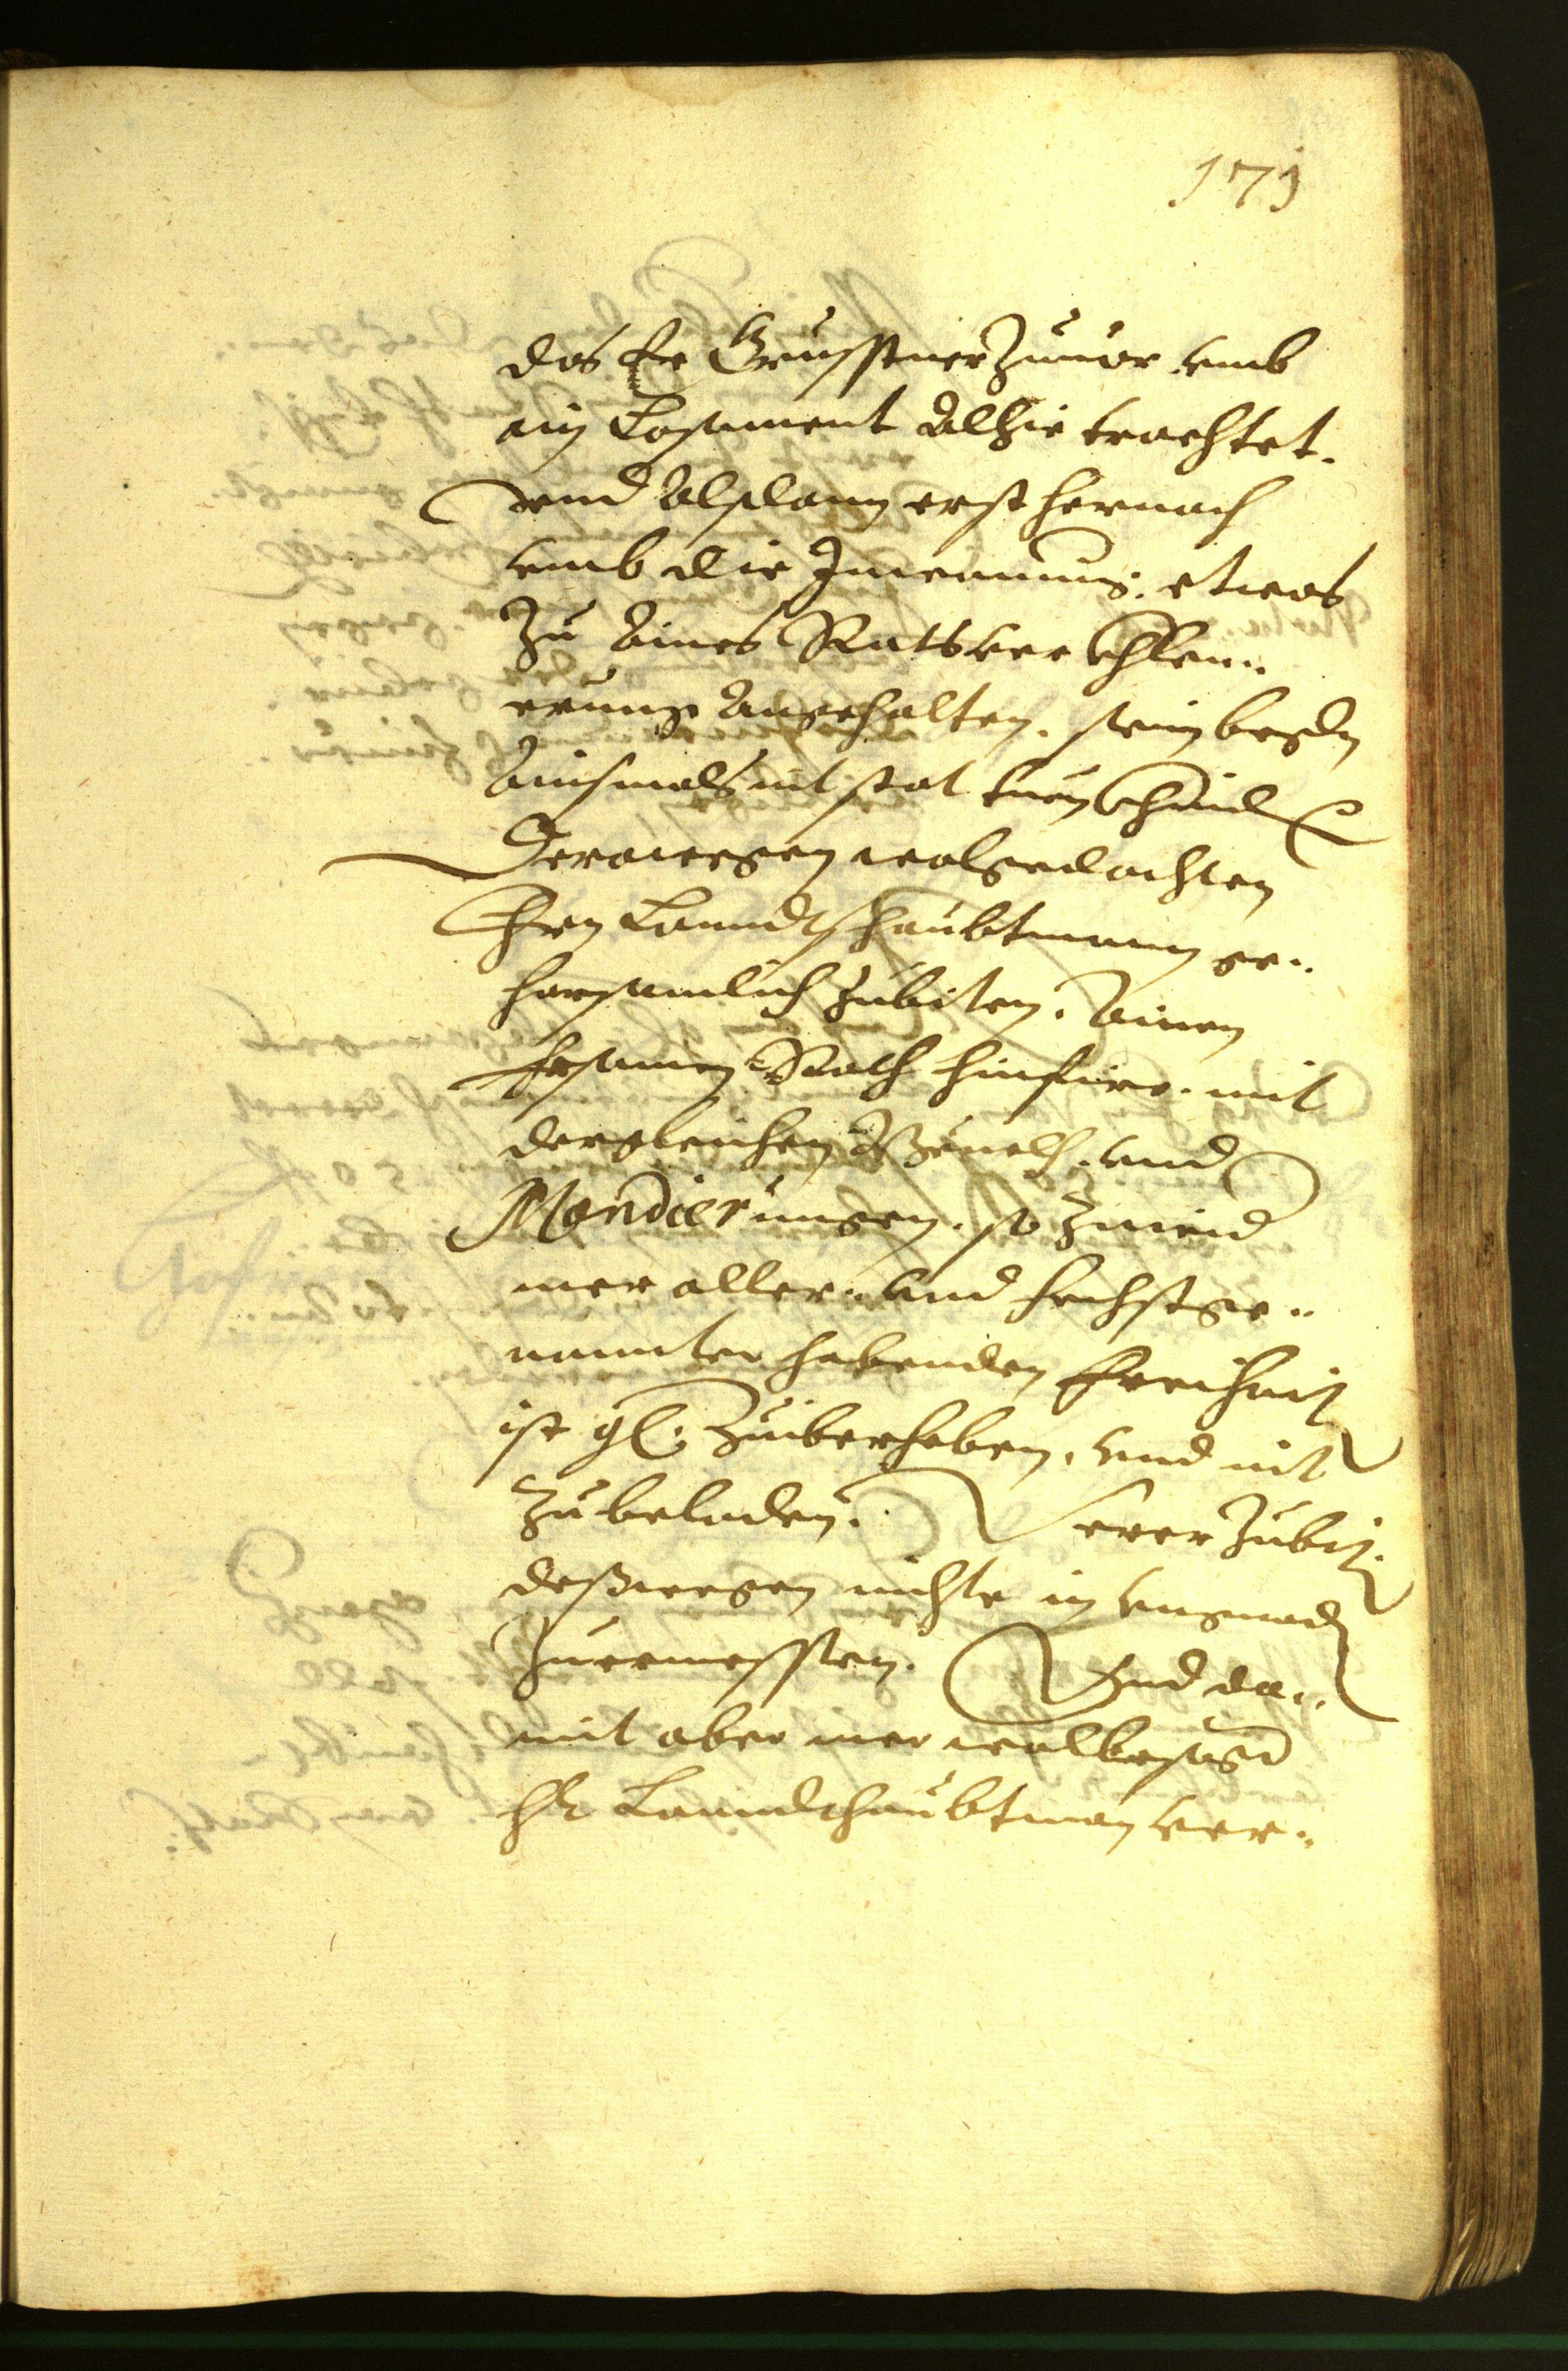171
das Er Grūsstner Zūūor vmb
ain Losament Alhie trachtet.
Vnd Alsdann erst hernach
vmb die Inwonūng: etwas
Zū Aines Ratsverkhlein¬
erūng Angehalten. seim begdn
Ainsmals nit stat tūen khind etc
Derowegen wolgedachten
hrn Lanndtshaūbtmann ge¬
horsamlich Zūbiten. Ainen
Ersamen Rath hinfiro. mit
derogleichen Beūelh. vnd
Mandierūngen. so Zuwid
mer aller: vnd hechstge¬
nannten habenden Freihait
ist g: Zūiberheben. vnd nit
Zūbeladen. Verer Zūbit.
deßwegen nichte in vngnad
Zūermessen. Vnd da¬
mit aber mer wolbesagt
hl Lanndthaūbtman ver¬